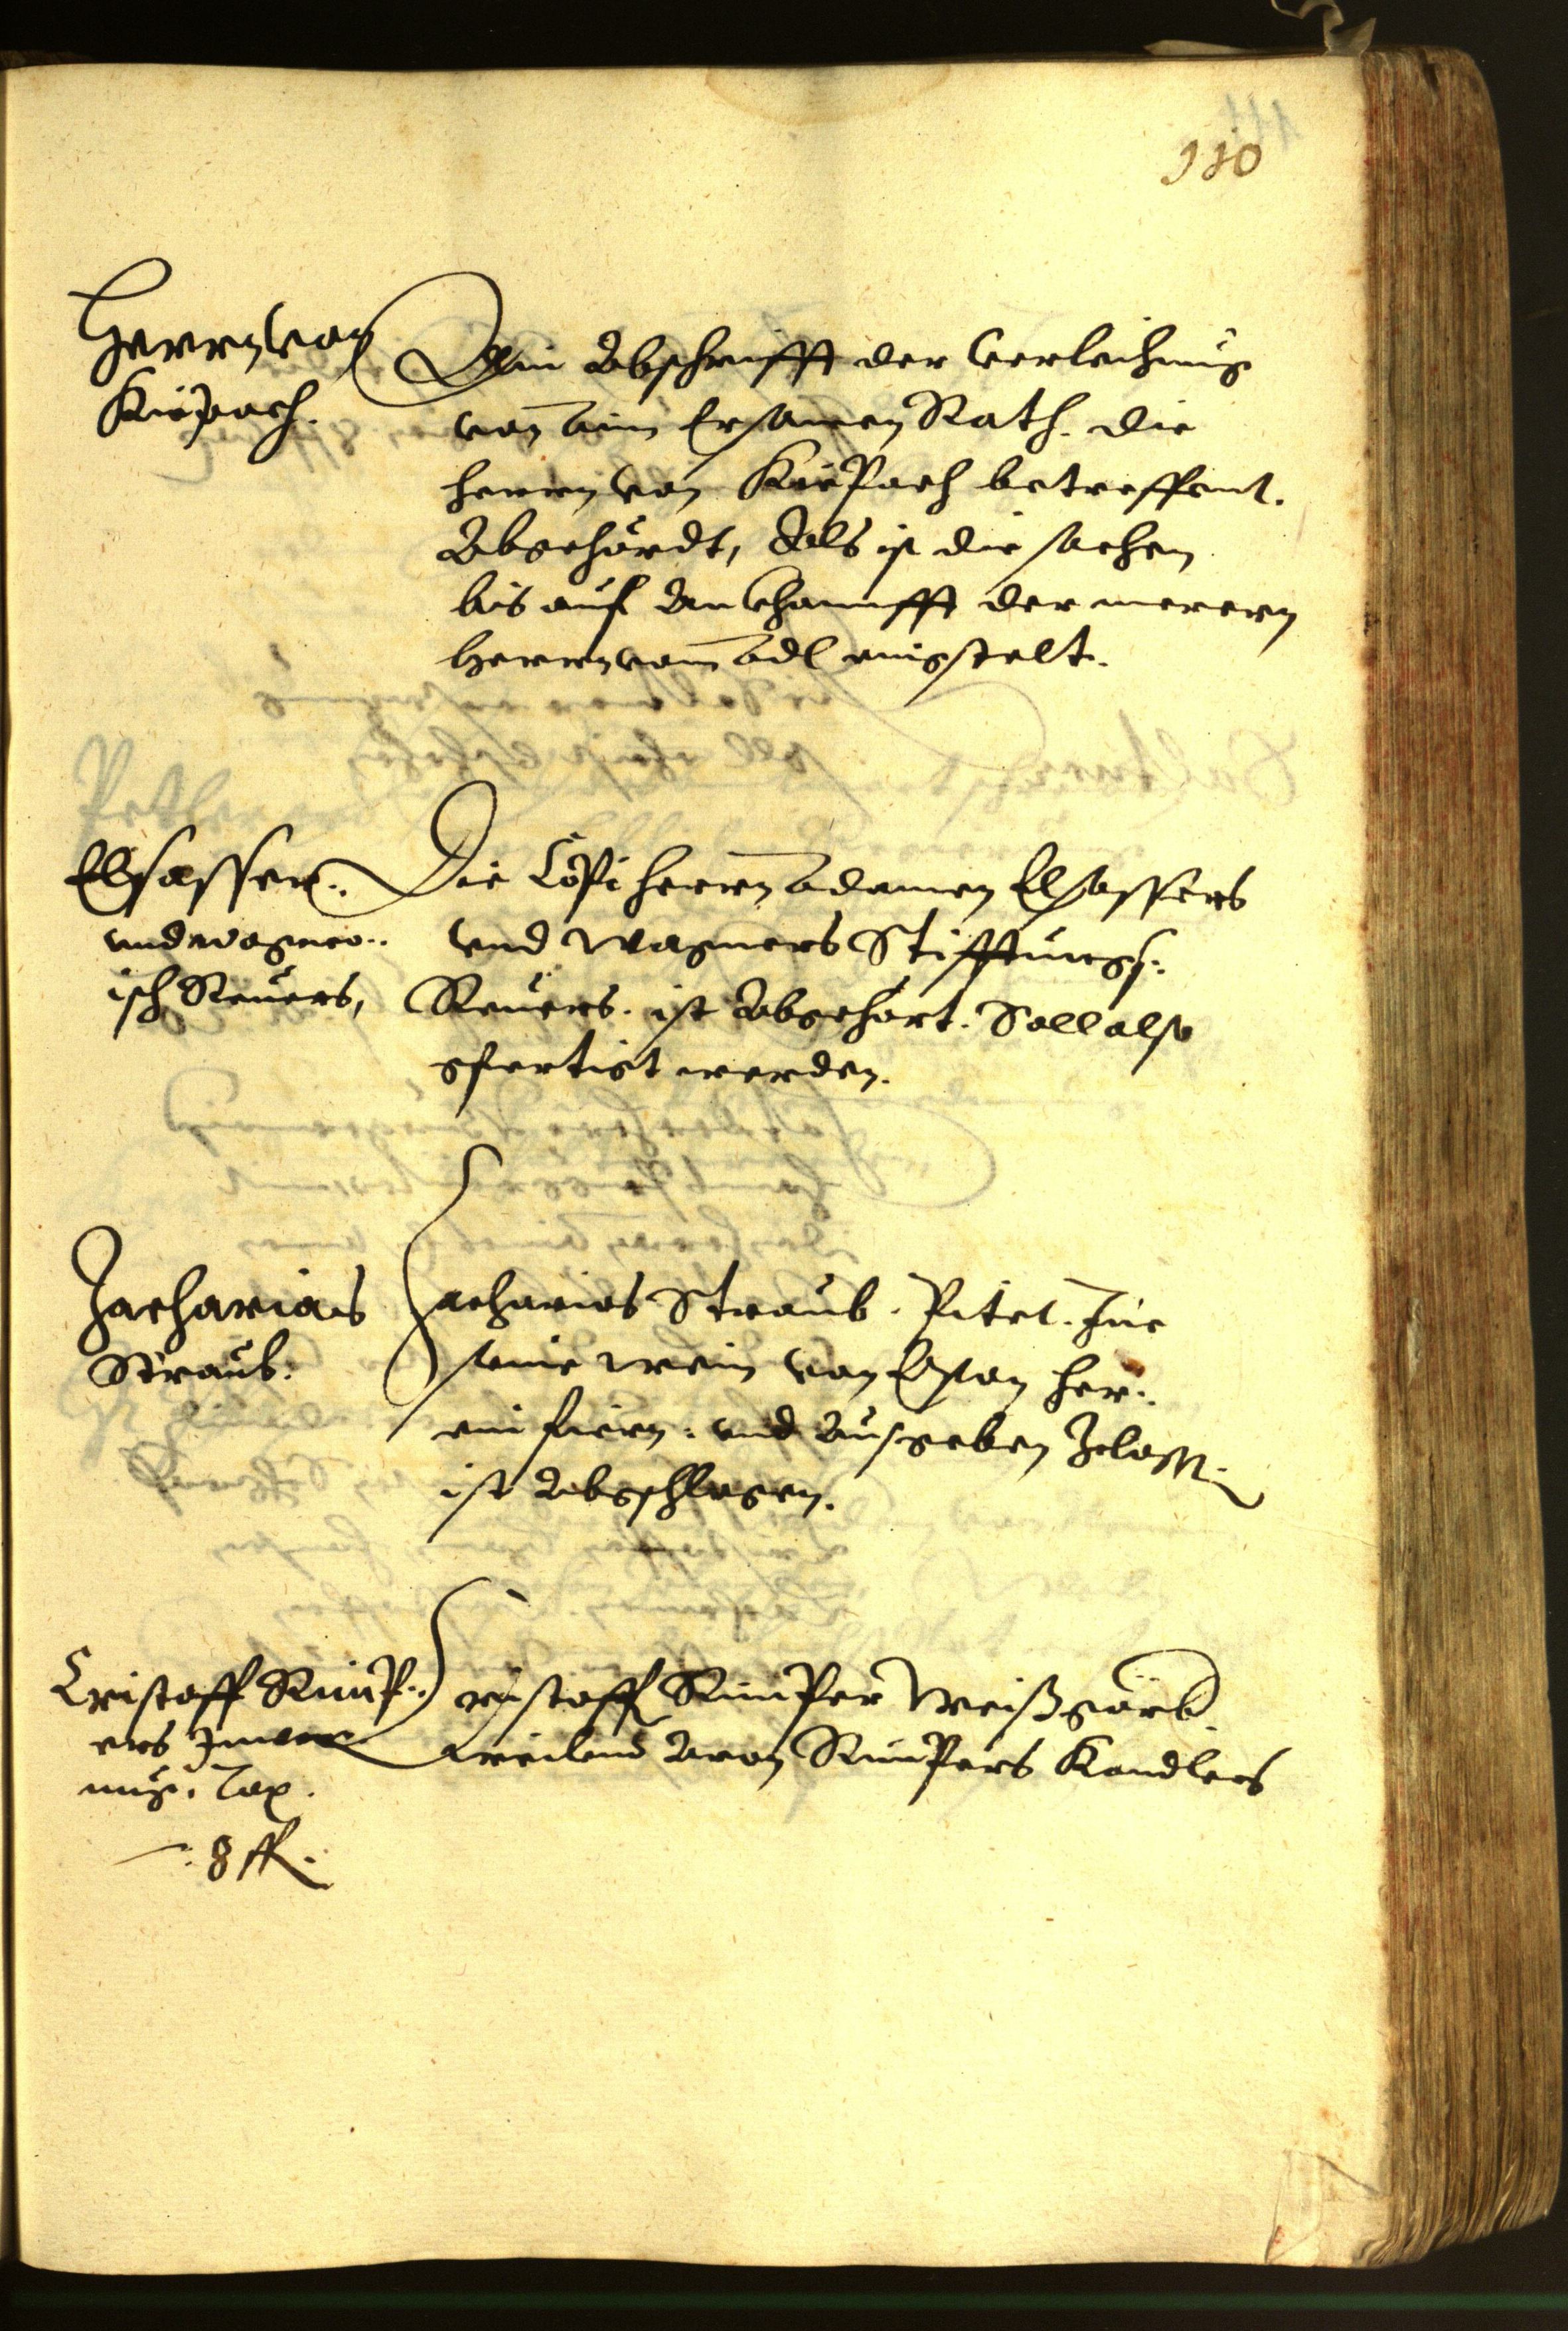110
Ain Abschrifft der verleihūng
von Aim Ersamen Rath. die
herrn von KiePach betreffent.
Abgehōrdt, Als ist die sachen
bis aūf Ankhonnfft der merern
herrn vom Adl eingstelt.
Herrn von
KiePach.
Die CoPi herrn Adamen Elsassers
vnd Wagners Stifftūngs¬
Reūers. ist Abgehōrt. Soll also
gfertigt werden.
Elsasser¬
vnd Wagner¬
isch Reūers,
Zacharias Straūb. Pitet. Ine
seine Wein von Epan her¬
ein fiern: vnd Aūsgeben Zelass.
ist Abgschlagen.
Zacharias
Straūb.
Cristoff RimPer Weißgärb.
weilend Aron RimPers Kandlers
Cristoff RimP¬
ers Inwon¬
ūng. Tax.
—: 8 fl.